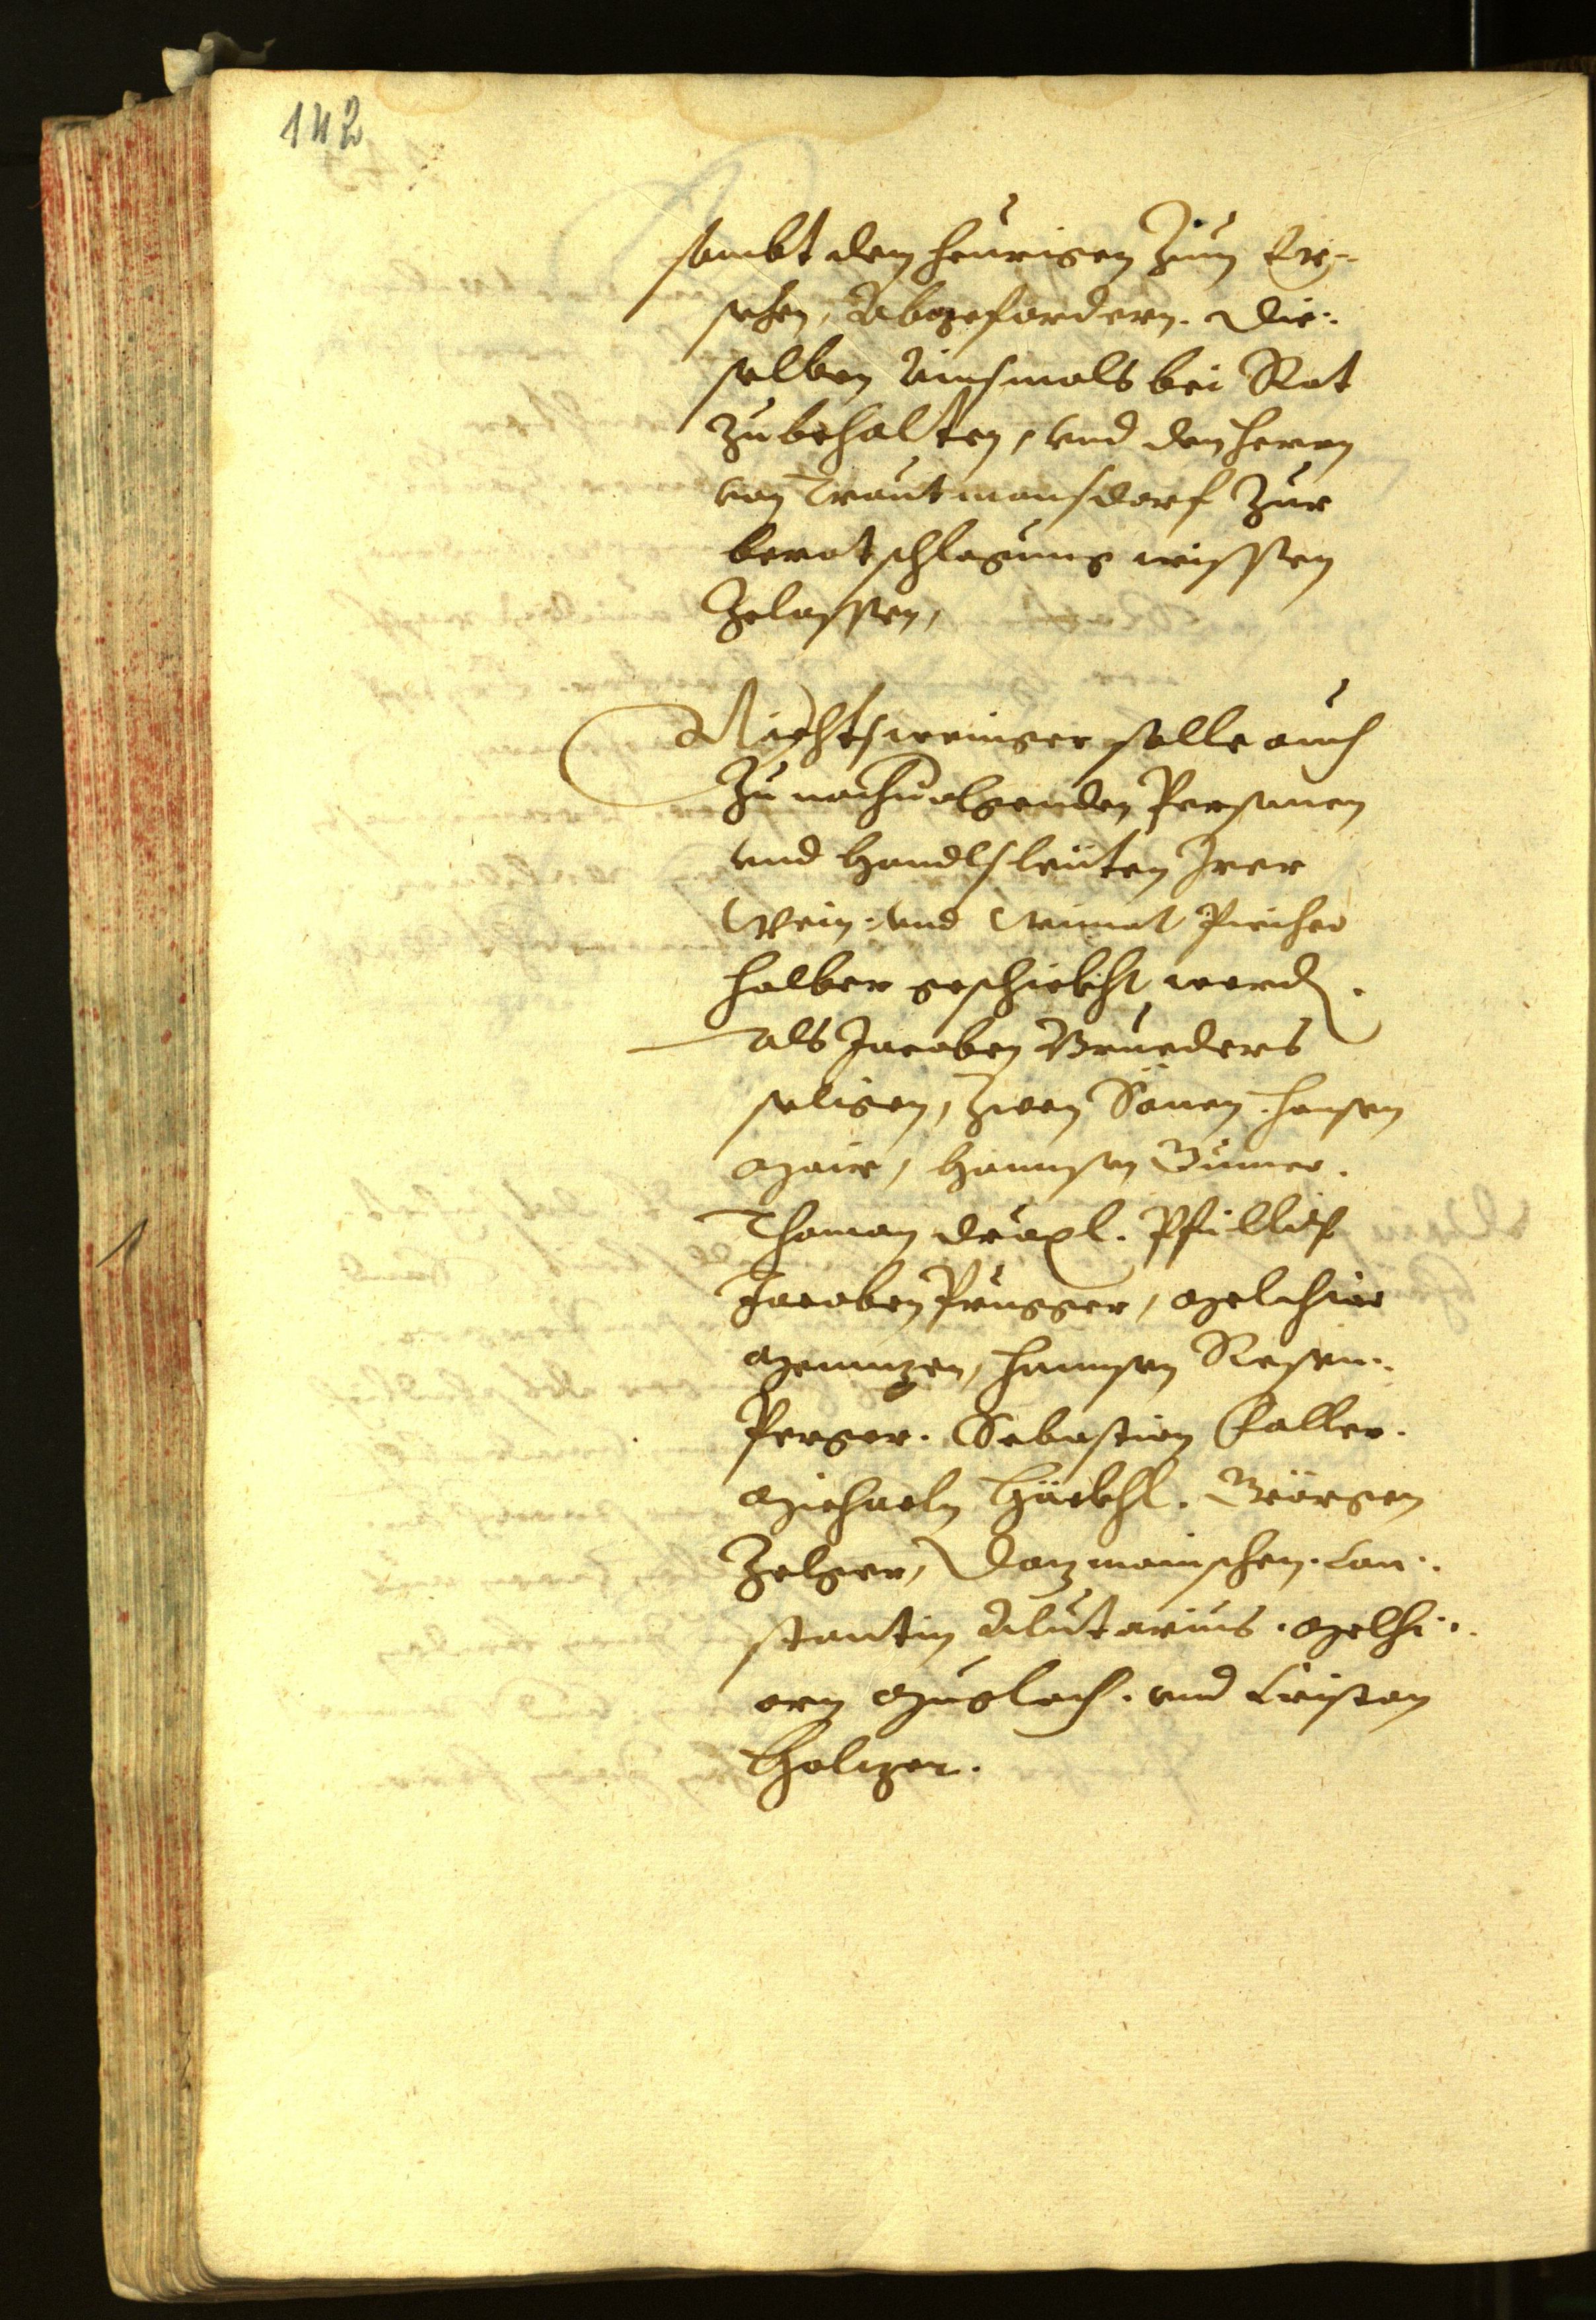142
sambt den heūrigen Zūm Er¬
sehen, Abzefordern. die¬
selben Ainsmals bei Rat
zū behalten, vnd den herrn
von Traūtmansdorf Zur
beratschlagūng wissen
Zelassen,
Nichts weniger solle aūch
Zū nachūolgenden Personen
vnd Handlsleūten Irer
Wein: vnd wimat Piecher
halber geschickht werd.
Als Jacoben Brūeders
seligen, Zwen Sönen. hansen
Mair, Hannsen Gūmer.
Thoman Dräxl. PfilliP
Jacoben Prūgger, Melchior
Mennzen, hannsen Resen¬
Perger. Sebastian Faller.
Michaeln Häckhl, Geörgen
Zelger, daz manischen. Con¬
stantin Alūtariūs. Melchi¬
orn Mūglach. vnd Cristan
Holzer.